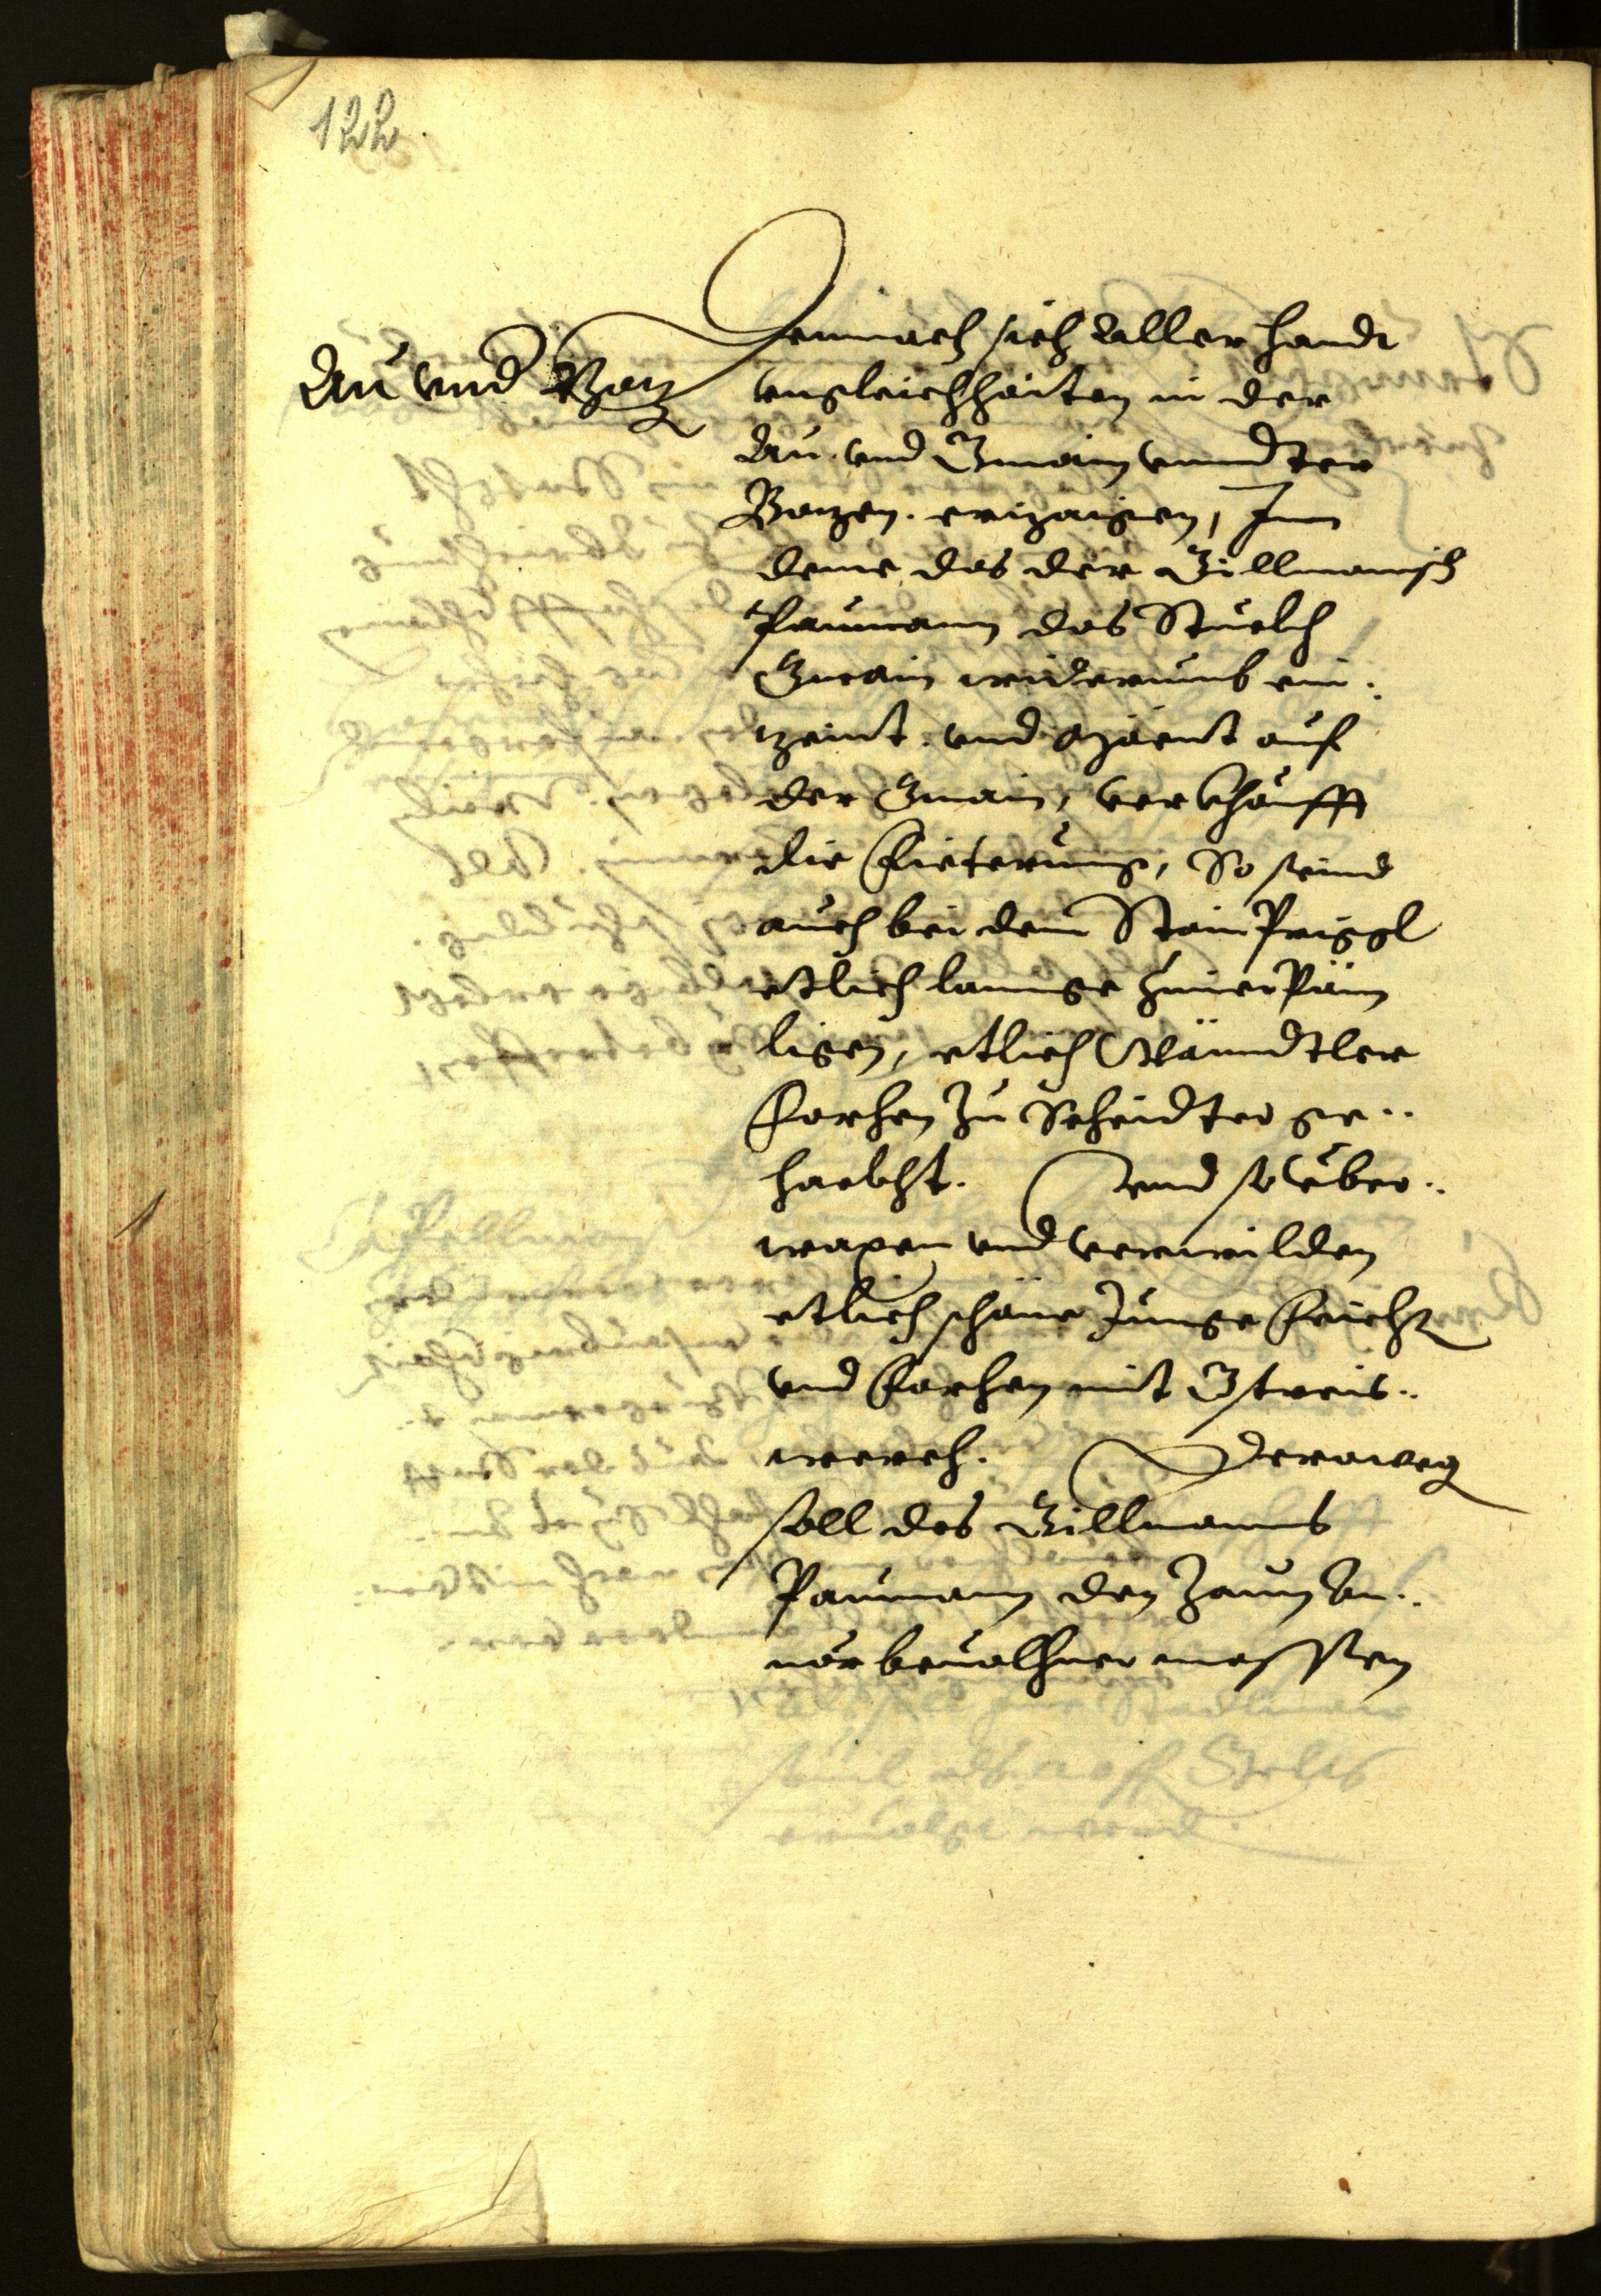122
Demnach sich Aller handt
vngleichhaiten in der
Aū. vnd Gmain vnndter
Bozen. erzaigen, Inn
deme das der Gillmanisch
Paūmann das Stūckh
Gmain widerūmb ein¬
zeint. vnd Mäent aūf
der Gmain, verkhaūfft
die Fieterūng, So seind
auch bei dem Stain Paiggl
etlich lannge Zimer Päm
ligen, etlich Wänndtler
Forhen Zū Scheidter ge¬
hackht. Vnnd so v̄ber¬
waxen vnd verwilden
etlich schöne Jūnge Feicht
vnd Forhen mit Gstreis¬
werch. Deroweg
sol des Gillmanns
Paūmann den Zaūn An¬
vor beūolhner massen
Aū vnd Boz